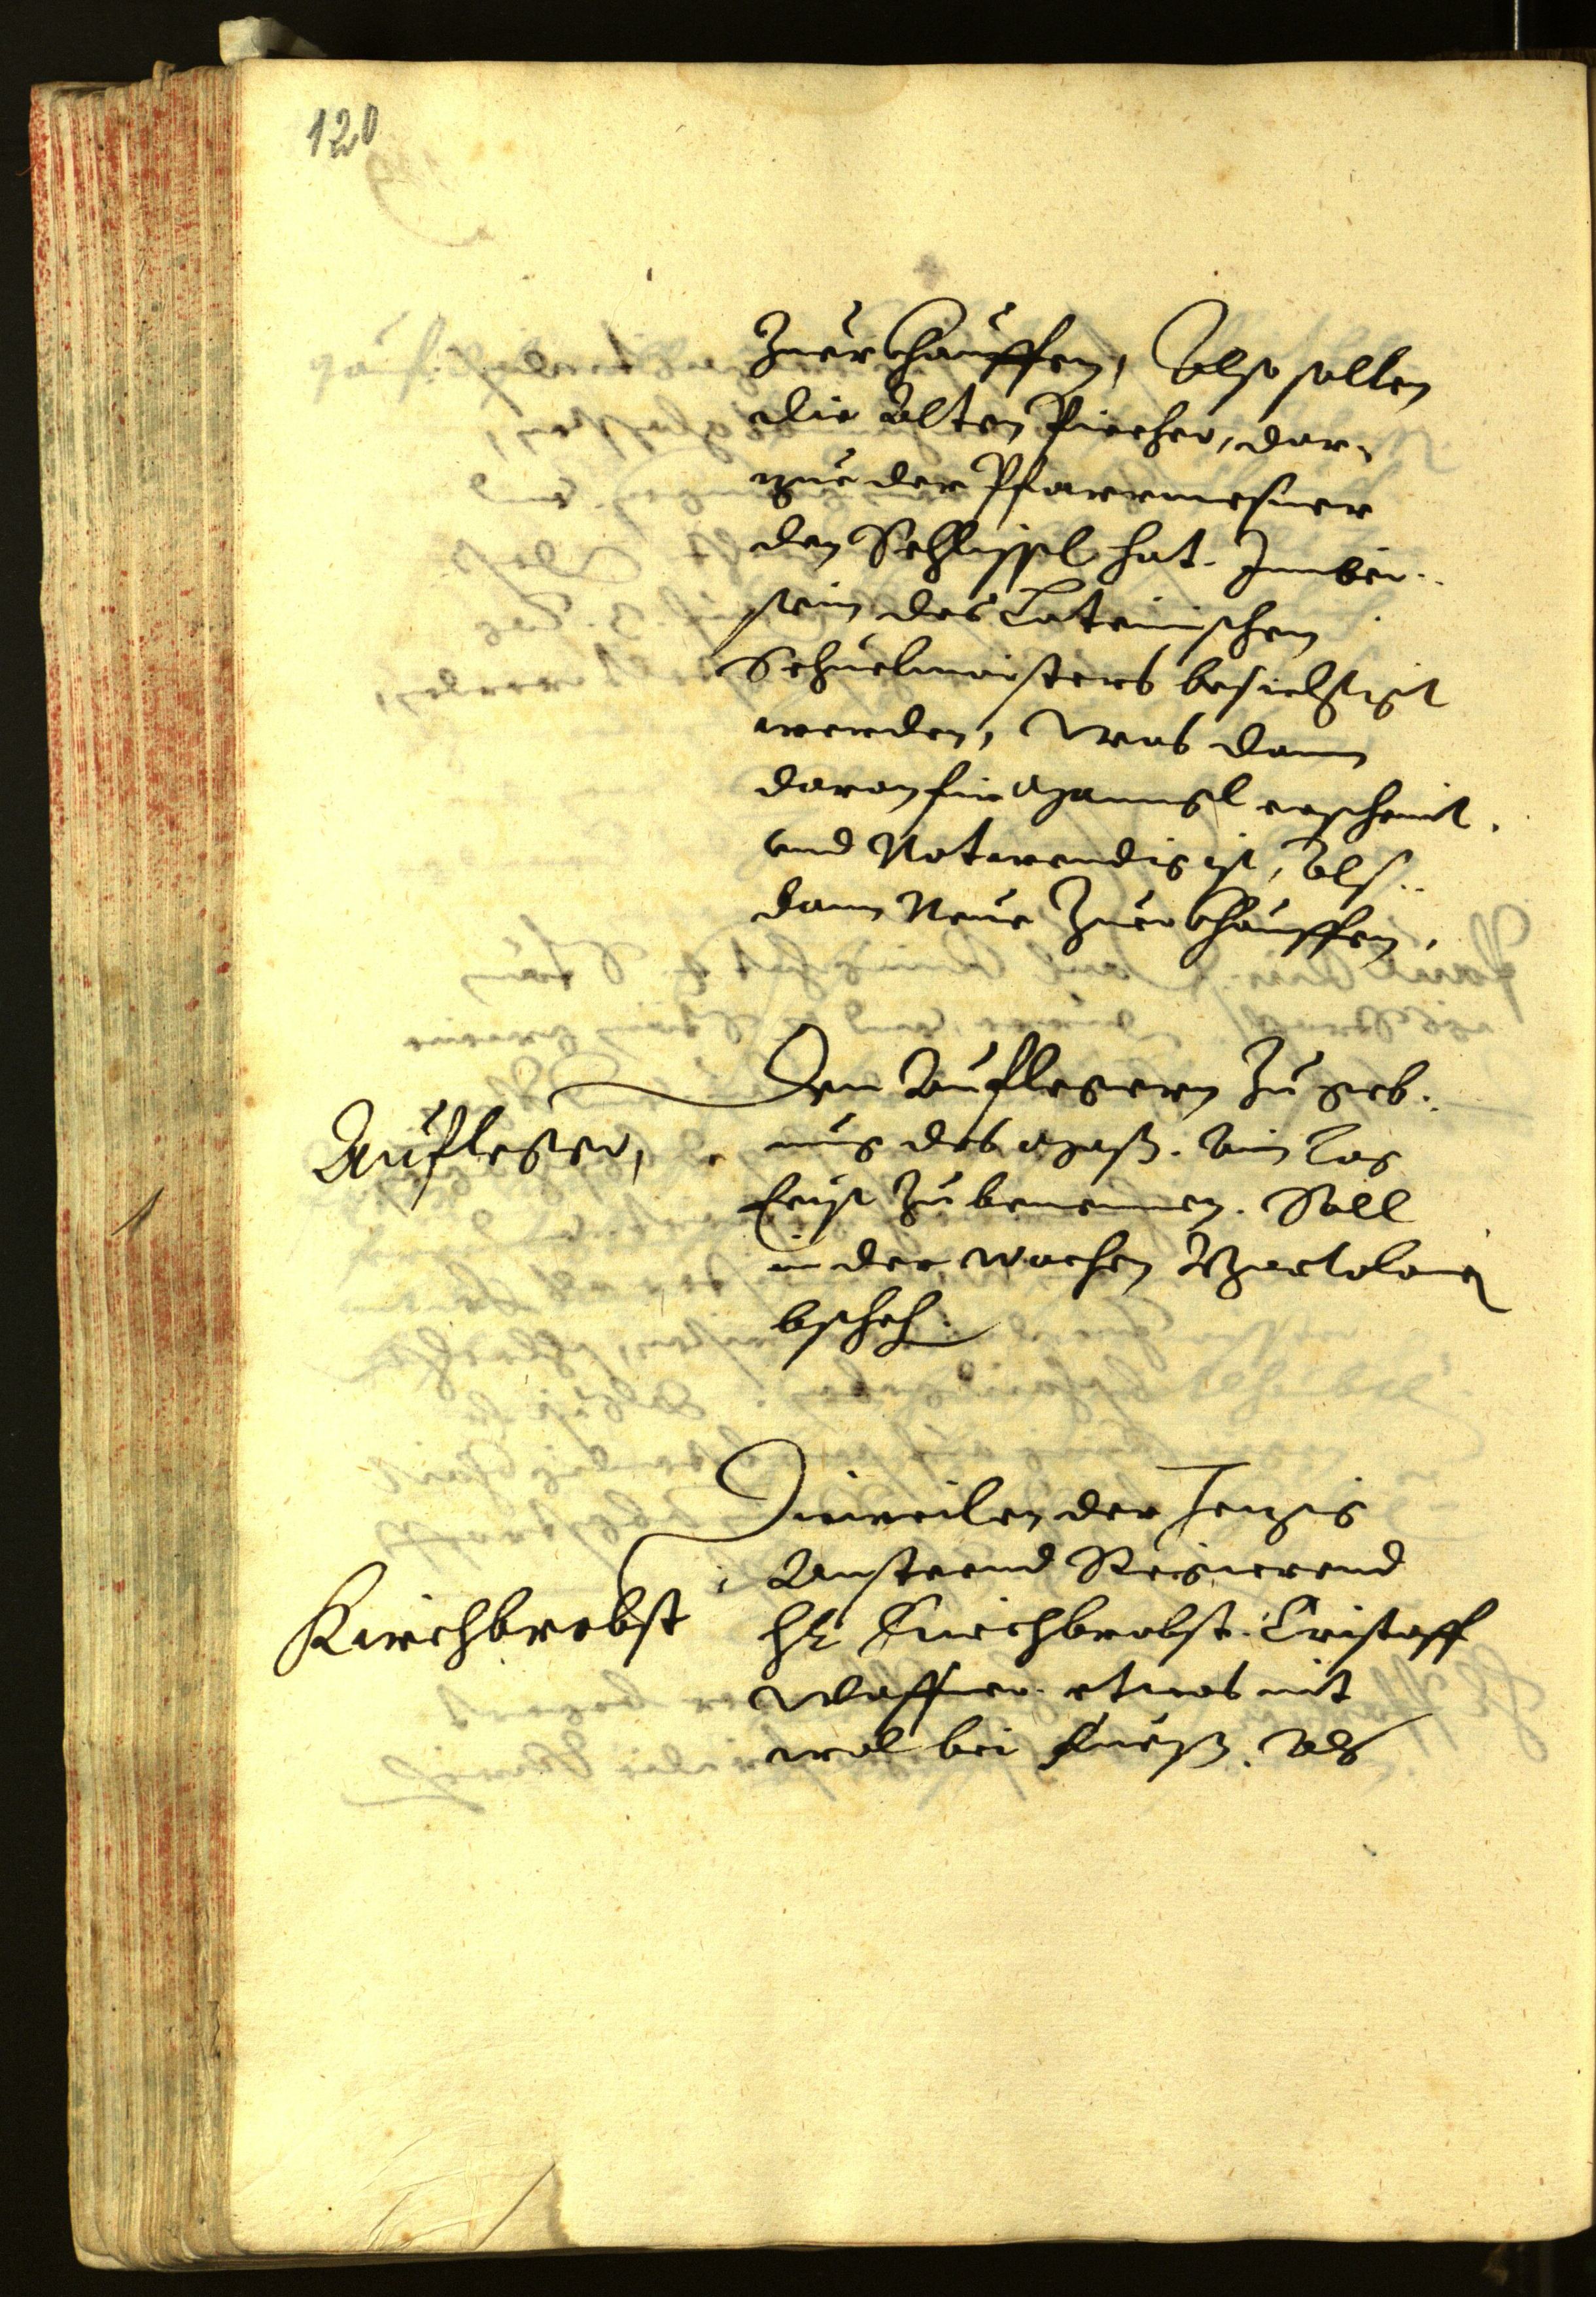120
Zūerkhaūffen, Also sollen
die Alten Piecher, dar¬
zūe der Pfarrmesner
den Schlissl hat. Innbei¬
sein des Lateinischen
Schūelmaisters besichtigt
werden, Was dann
daran fir Manngl erscheint.
vnd Notwendig ist, Als¬
dann Neūe Zūerkhaūffen.
Den Aūflegern Zū geb¬
ūng das Maß. Ain Tag
Eeist Zū benennen. Soll
in der Wochn Bartolomej
bscheh.
Aūfleger,
Dieweiln der Jezig
Ansteend Regierend
hl Kirchbrobst. Cristoff
Waffner. etwas nit
wol bei Fūeß. Als
Kirchbrobst